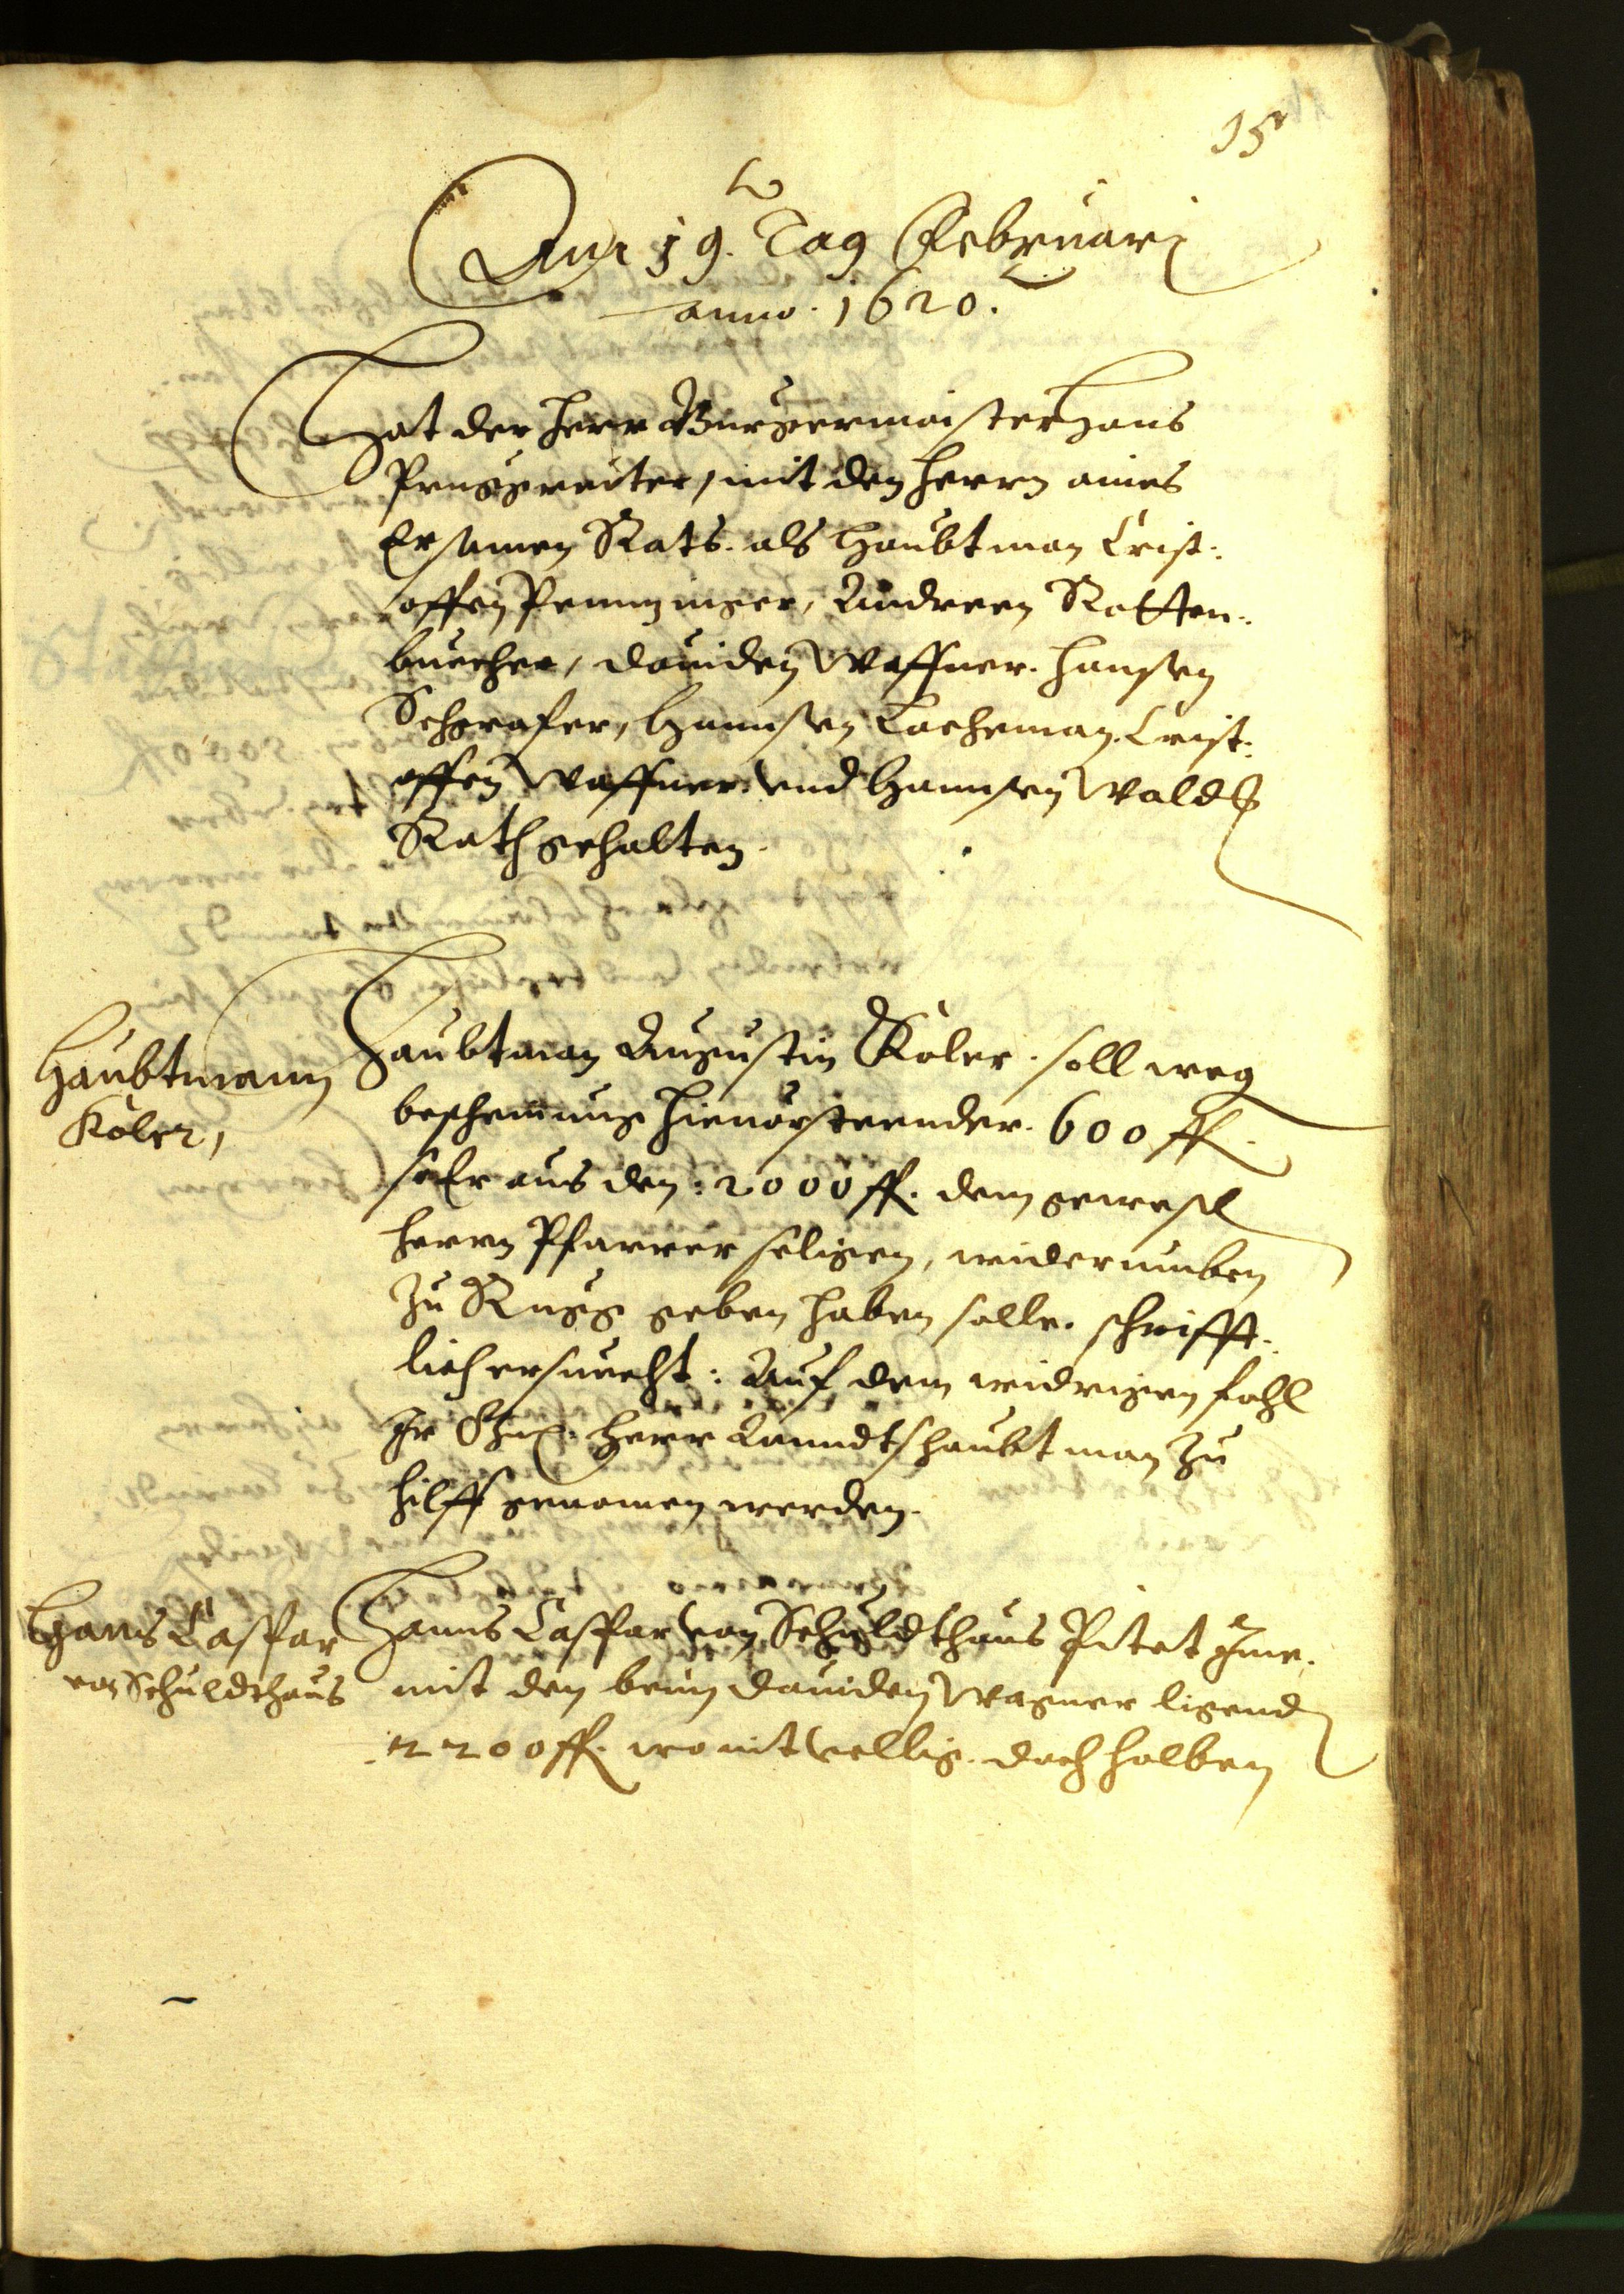Am 19.t Tag Febrūarj
Anno. 1620.t
Hat der herr Būrgermaister Hans
Prūggreiter, mit den herrn aines
Ersamen Rats. als Haūbtman Crist¬
offen Pennzinger, Andreen Rotten¬
būecher, daūiden Waffner. hansen
Schgrafer, Hannsen Lacheman. Crist¬
offen Waffner. vnd Hannsen Wald
Rath gehalten.
15
Haūbtman Aūgūstin Kōler. soll weg
beschemūng hievōrsteender. 600 fl.
so Er aūs den: 2000 fl. dem gewest
herrn Pfarrer seligen widerūmben
Zū Rūgg geben haben solle. schrifft¬
lich ersūecht: Aūf dem widrigen fahl,
Ir Gn: Herr Lanndtshaūbtman Zū
hilff genomen werden.
Haūbtmann
Kōler,
Hanns Caspar von Schūldthaūs Pitet Ime.
mit den beim daūiden Wagner ligend
.2200 fl. wo nit vellig. doch halben
Hans Caspar
von Schūldthaūs